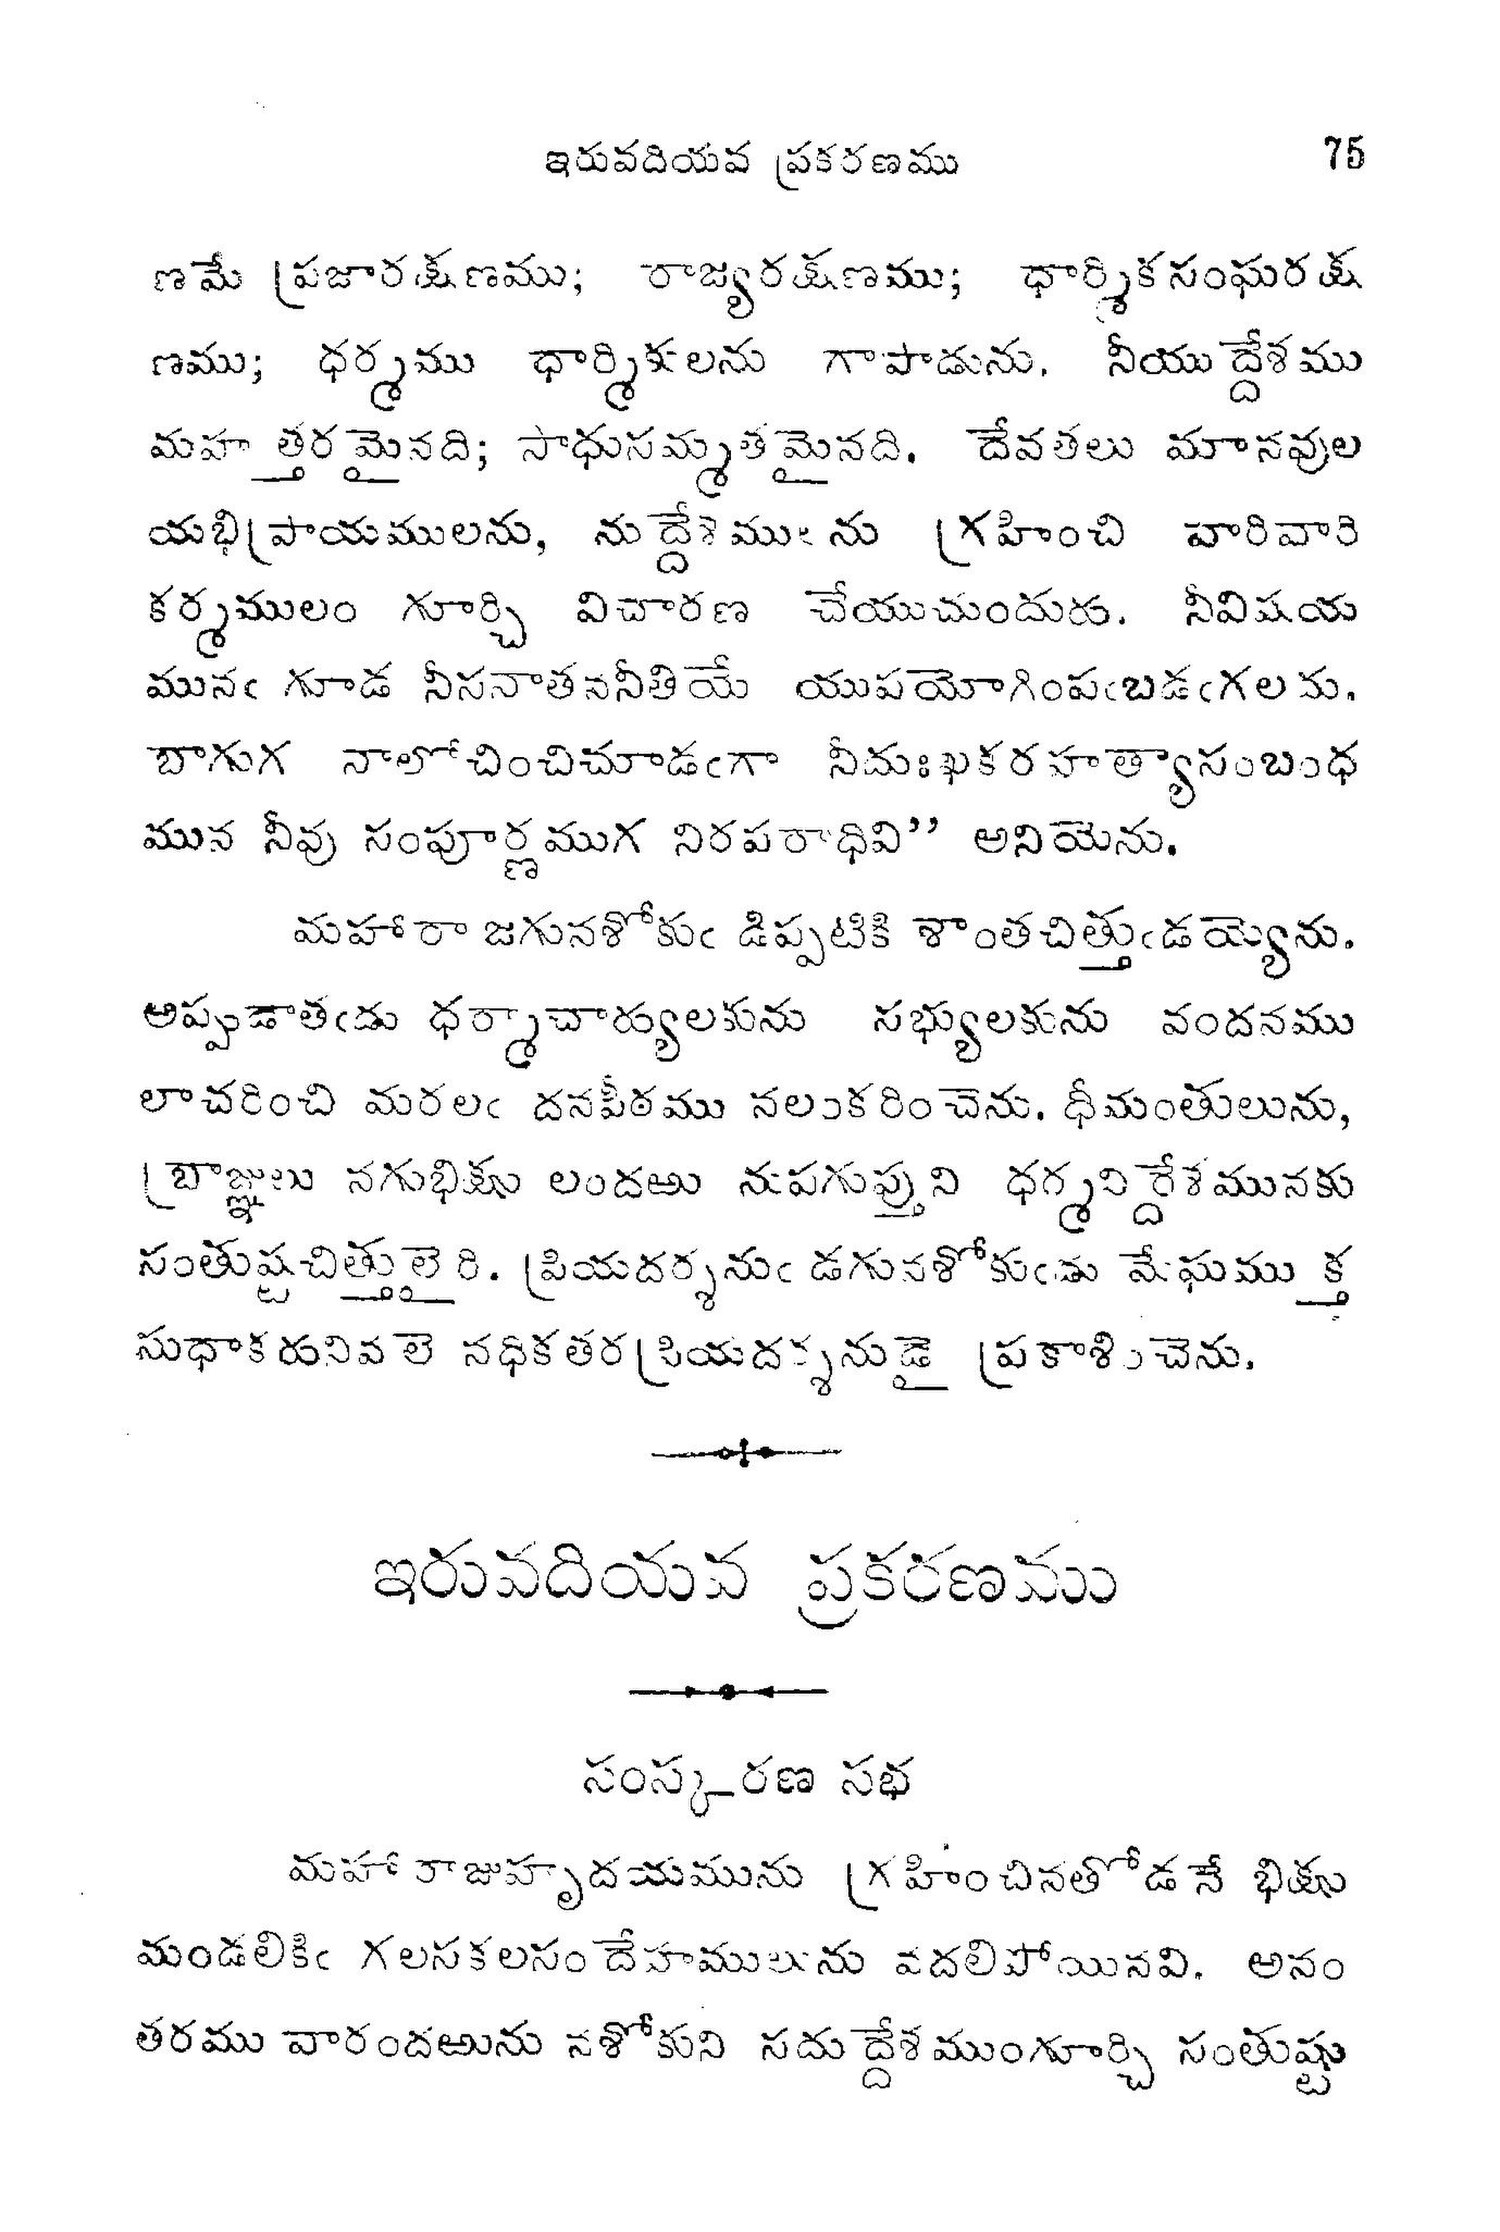ణమే ప్రజారక్షణము; 'రాజ్య రక్షణము; ధార్మిక సంఘరక్షణము; ధర్మము ధార్మిక లను గాపాడును. నీయుద్దేశము మహత్తరమైనది; సాధుసమ్మతమైనది. దేవతలు మానవుల
యభిప్రాయములను, నుద్దేశములను గ్రహించి వారివారి కర్మములం గూర్చి విచారణ చేయుచుందురు. నీవిషయమునఁ గూడ నీసనాతననీతి యే యుపయోగింపబడఁగలము,
బాగుగ నాలోచించి చూడఁగా నీ దుఃఖకర హత్యాసంబంధమున నీవు సంపూర్ణముగ నిరపరాధివి” అనియెను.

మహారా జగునశోకుఁ డిప్పటికి కొంత చిత్తుఁడయ్యెను. అప్పుడాతఁడు ధర్మాచార్యులకును సభ్యులకును వందనము లాచరించి మరలఁ దనపీఠము నలుక రించెను. ధీమంతులును,
బ్రాజ్ఞులు నగుభిక్షు లందఱు నుపగుప్తుని ధర్మనిర్దేశమునకు సంతుష్టచిత్తులైరి. ప్రియదర్శనుఁ డగునశోకుఁడు ను మేఘముక్త సుధాకరునివలె నధికతర ప్రియదర్శనుడై ప్రకాశించెను,

ఇరువదియవ ప్రకరణము

మహా రాజుహృదయమును గ్రహించినతోడనే భిక్షు మండలికిఁ గల సకల సందేహములును వదలిపోయినవి. అనంతరము వారందఱును నశోకుని సదుద్దేశముంగూర్చి సంతుష్టు